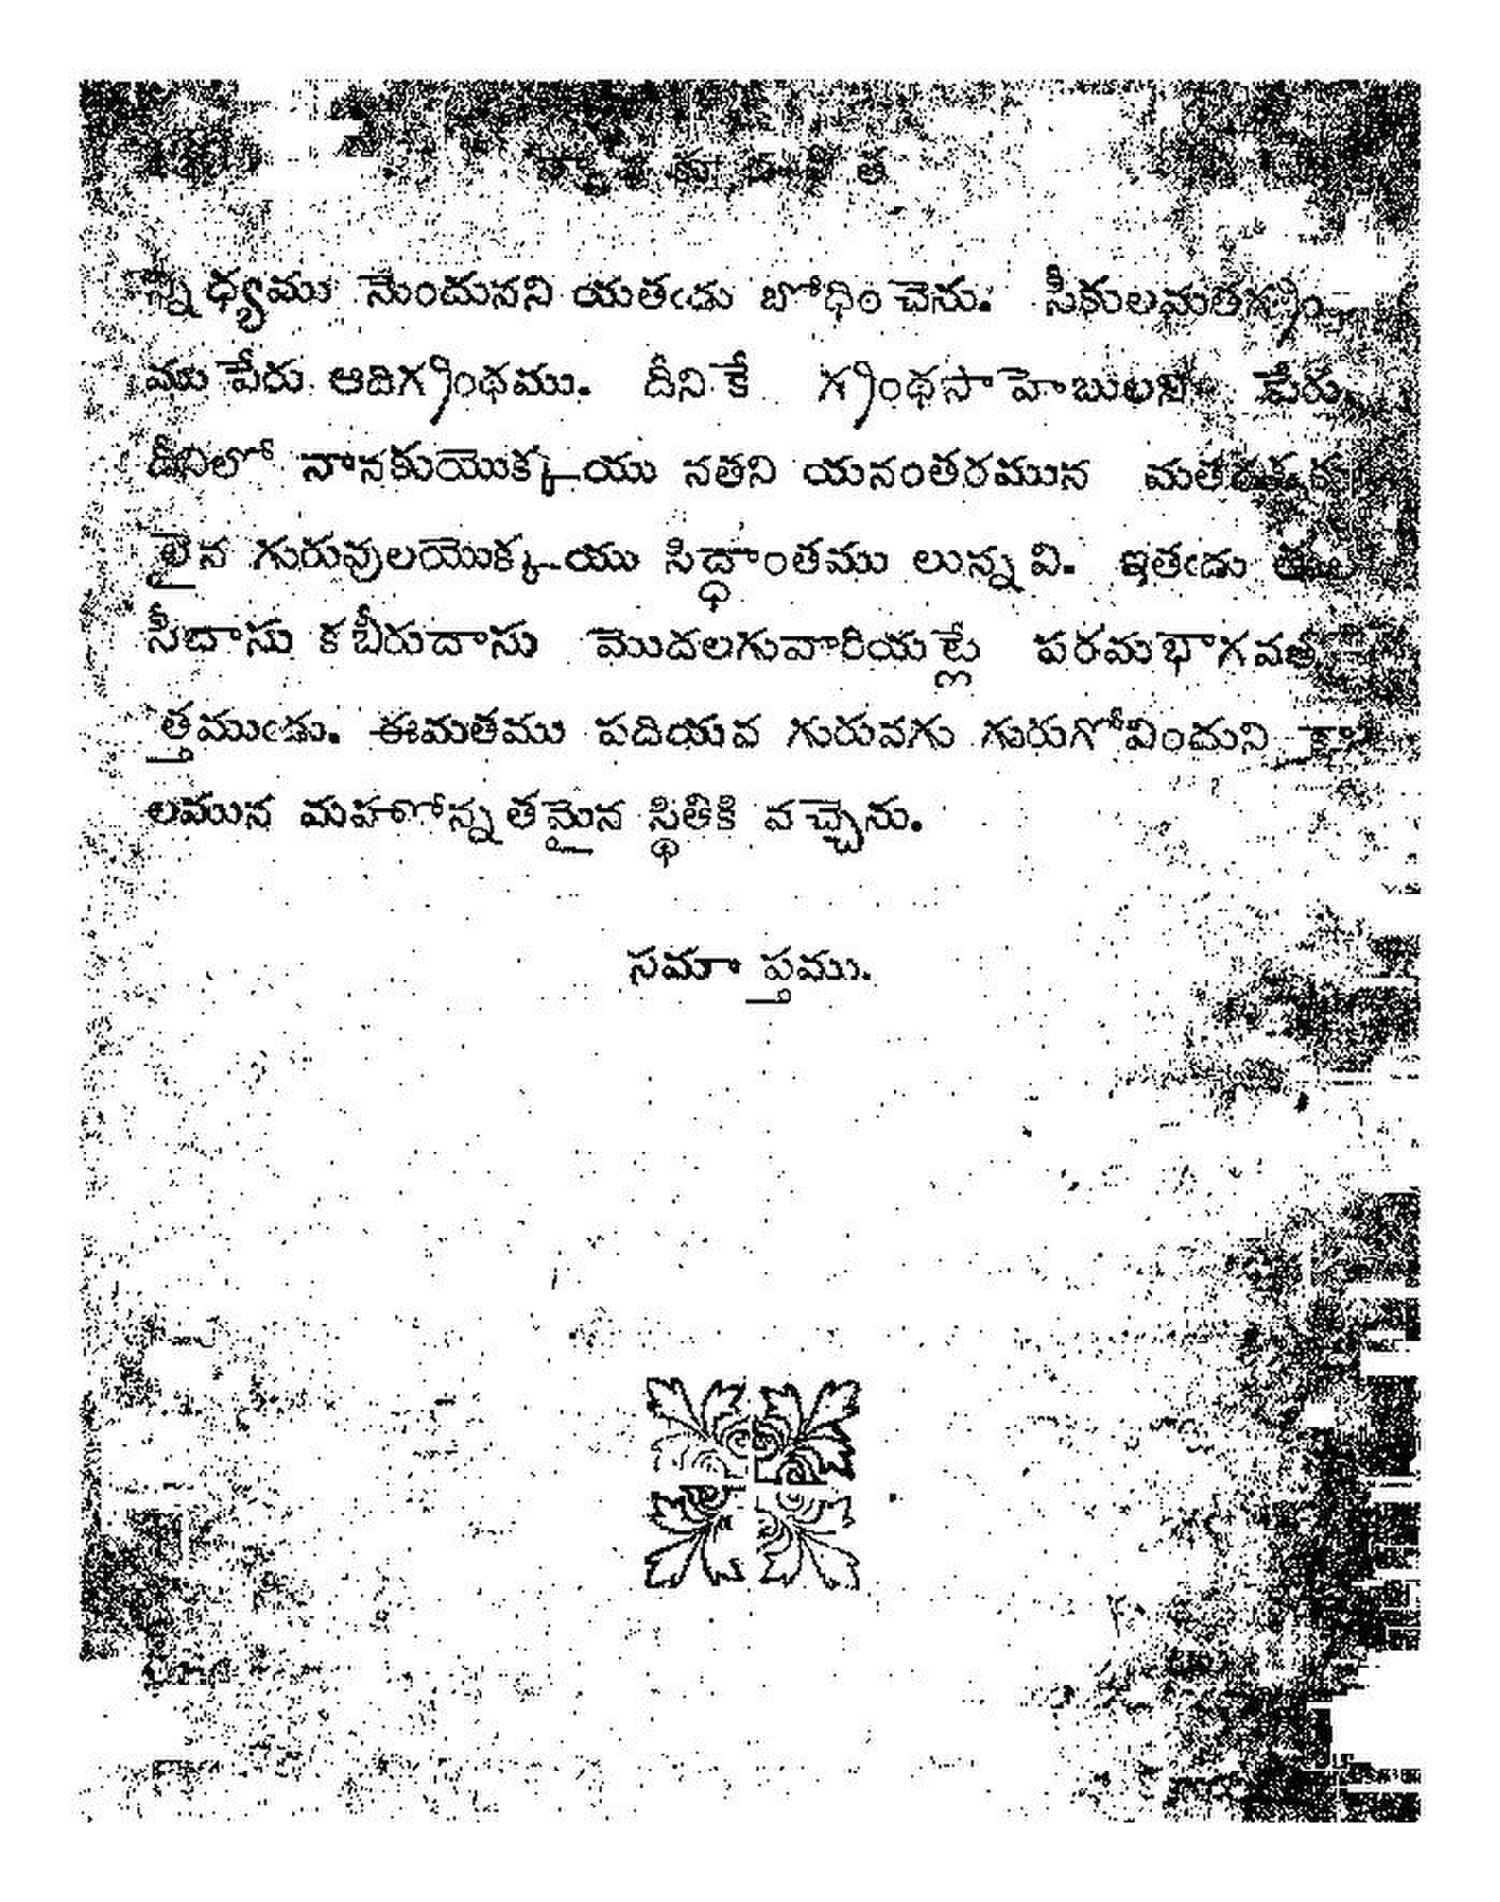న్నిధ్యము నొందునని యతడు బోధించెను. సీకులమతగ్రంథముపేరు ఆదిగ్రంథము. దీనికే గ్రంథసాహెబులని పేరు. దీనిలో నానకుయొక్కయు నతని యనంతరమున మతరక్షకులైన గురువులయొక్కయు సిద్ధాంతము లున్నవి. ఇతడు తులసీదాసు కబీరుదాసు మొదలగువారియట్లే పరమభాగవతోత్తముడు. ఈమతము పదియవ గురువగు గురుగోవిందుని కాలమున మహోన్నతమైన స్థితికి వచ్చెను.